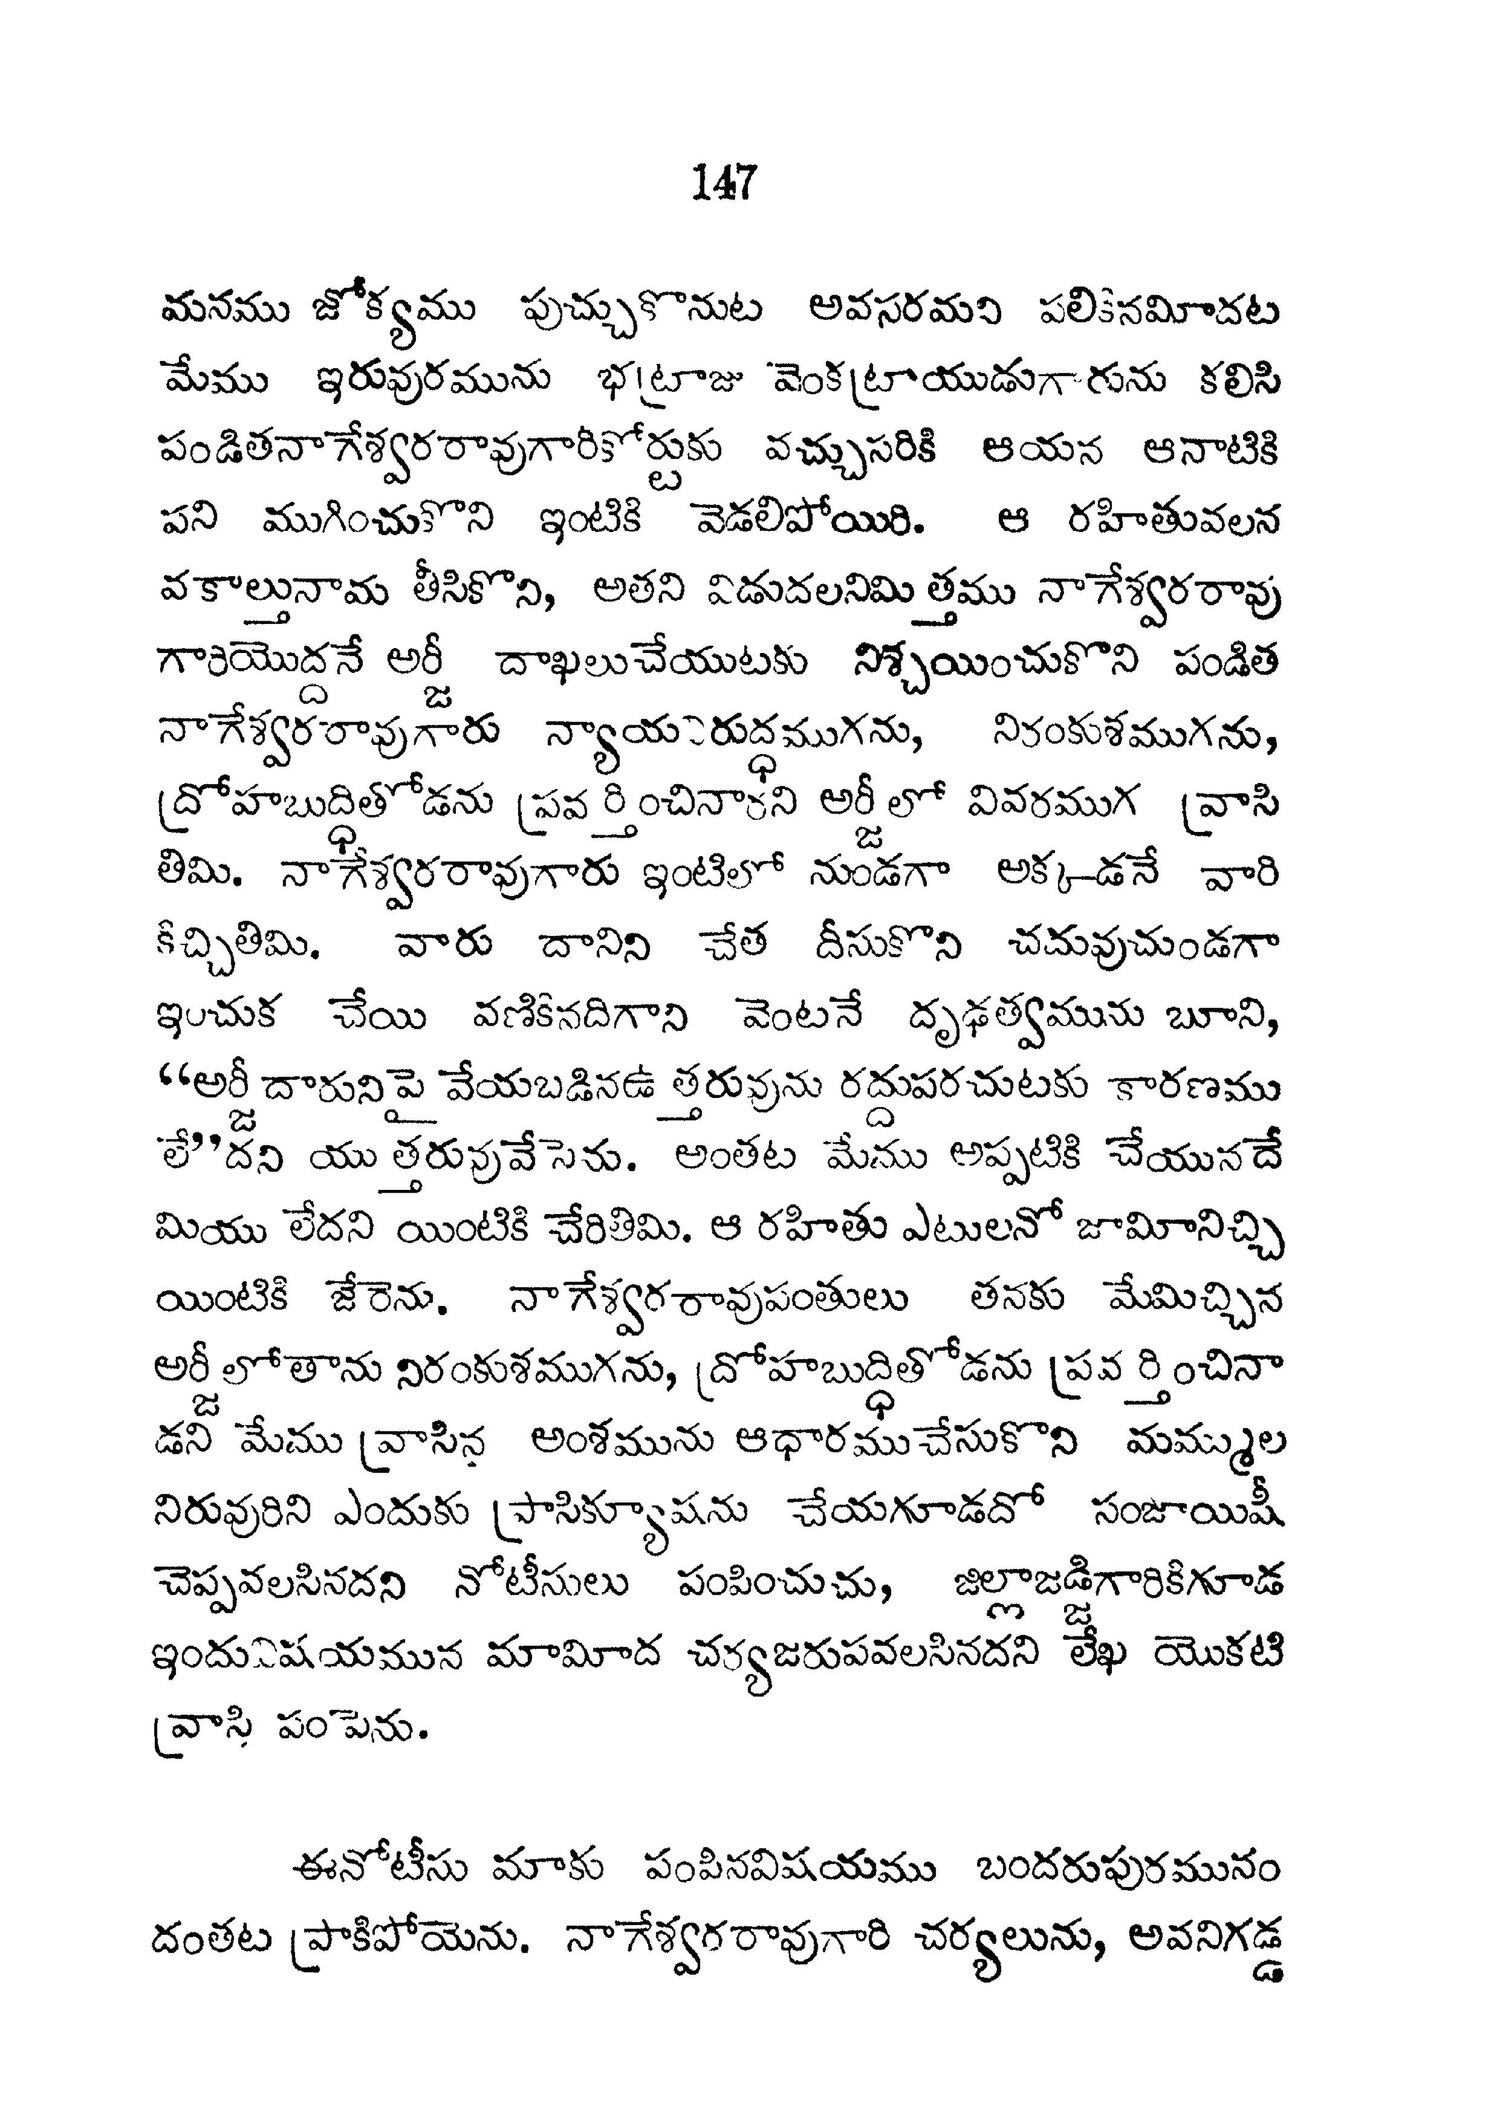మనము జోక్యము పుచ్చుకొనుట అవసరమని పలికినమీదట మేము ఇరువురమును భట్రాజు వెంకట్రాయుడుగారును కలిసి పండితనాగేశ్వరరావుగారికోర్టుకు వచ్చుసరికి ఆయన ఆనాటికి పని ముగించుకొని ఇంటికి వెడలిపోయిరి. ఆ రహితువలన వకాల్తునామ తీసికొని, అతని విడుదలనిమిత్తము నాగేశ్వరరావు గారియొద్దనే అర్జీ దాఖలుచేయుటకు నిశ్చయించుకొని పండిత నాగేశ్వరరావుగారు న్యాయవిరుద్ధముగను, నిరంకుశముగను, ద్రోహబుద్ధితోడను ప్రవర్తించినారని అర్జీలో వివరముగ వ్రాసితిమి. నాగేశ్వరరావుగారు ఇంటిలో నుండగా అక్కడనే వారి కిచ్చితిమి. వారు దానిని చేత దీసుకొని చదువుచుండగా ఇంచుక చేయి వణికినదిగాని వెంటనే దృడత్వమును బూని, "అర్జీదారునిపై వేయబడిన ఉత్తరువును రద్దుపరచుటకు కారణము లే"దని యుత్తరువువేసెను. అంతట మేము అప్పటికి చేయునదేమియు లేదని యింటికి చేరితిమి. ఆ రహితు ఎటులనో జామీనిచ్చి యింటికి జేరెను. నాగేశ్వరరావుపంతులు తనకు మేమిచ్చిన అర్జీలోతాను నిరంకుశముగను, ద్రోహబుద్ధితోడను ప్రవర్తించినాడని మేము వ్రాసిన అంశమును ఆధారముచేసుకొని మమ్ముల నిరువురిని ఎందుకు ప్రాసిక్యూషను చేయగూడదో సంజాయిషీ చెప్పవలసినదని నోటీసులు పంపించుచు, జిల్లాజడ్జిగారికిగూడ ఇందువిషయమున మామీద చర్యజరుపవలసినదని లేఖ యొకటి వ్రాసి పంపెను.

ఈనోటీసు మాకు పంపినవిషయము బందరుపురమునందంతట ప్రాకిపోయెను.నాగేశ్వరావుగారి చర్యలును, అవనిగడ్డ